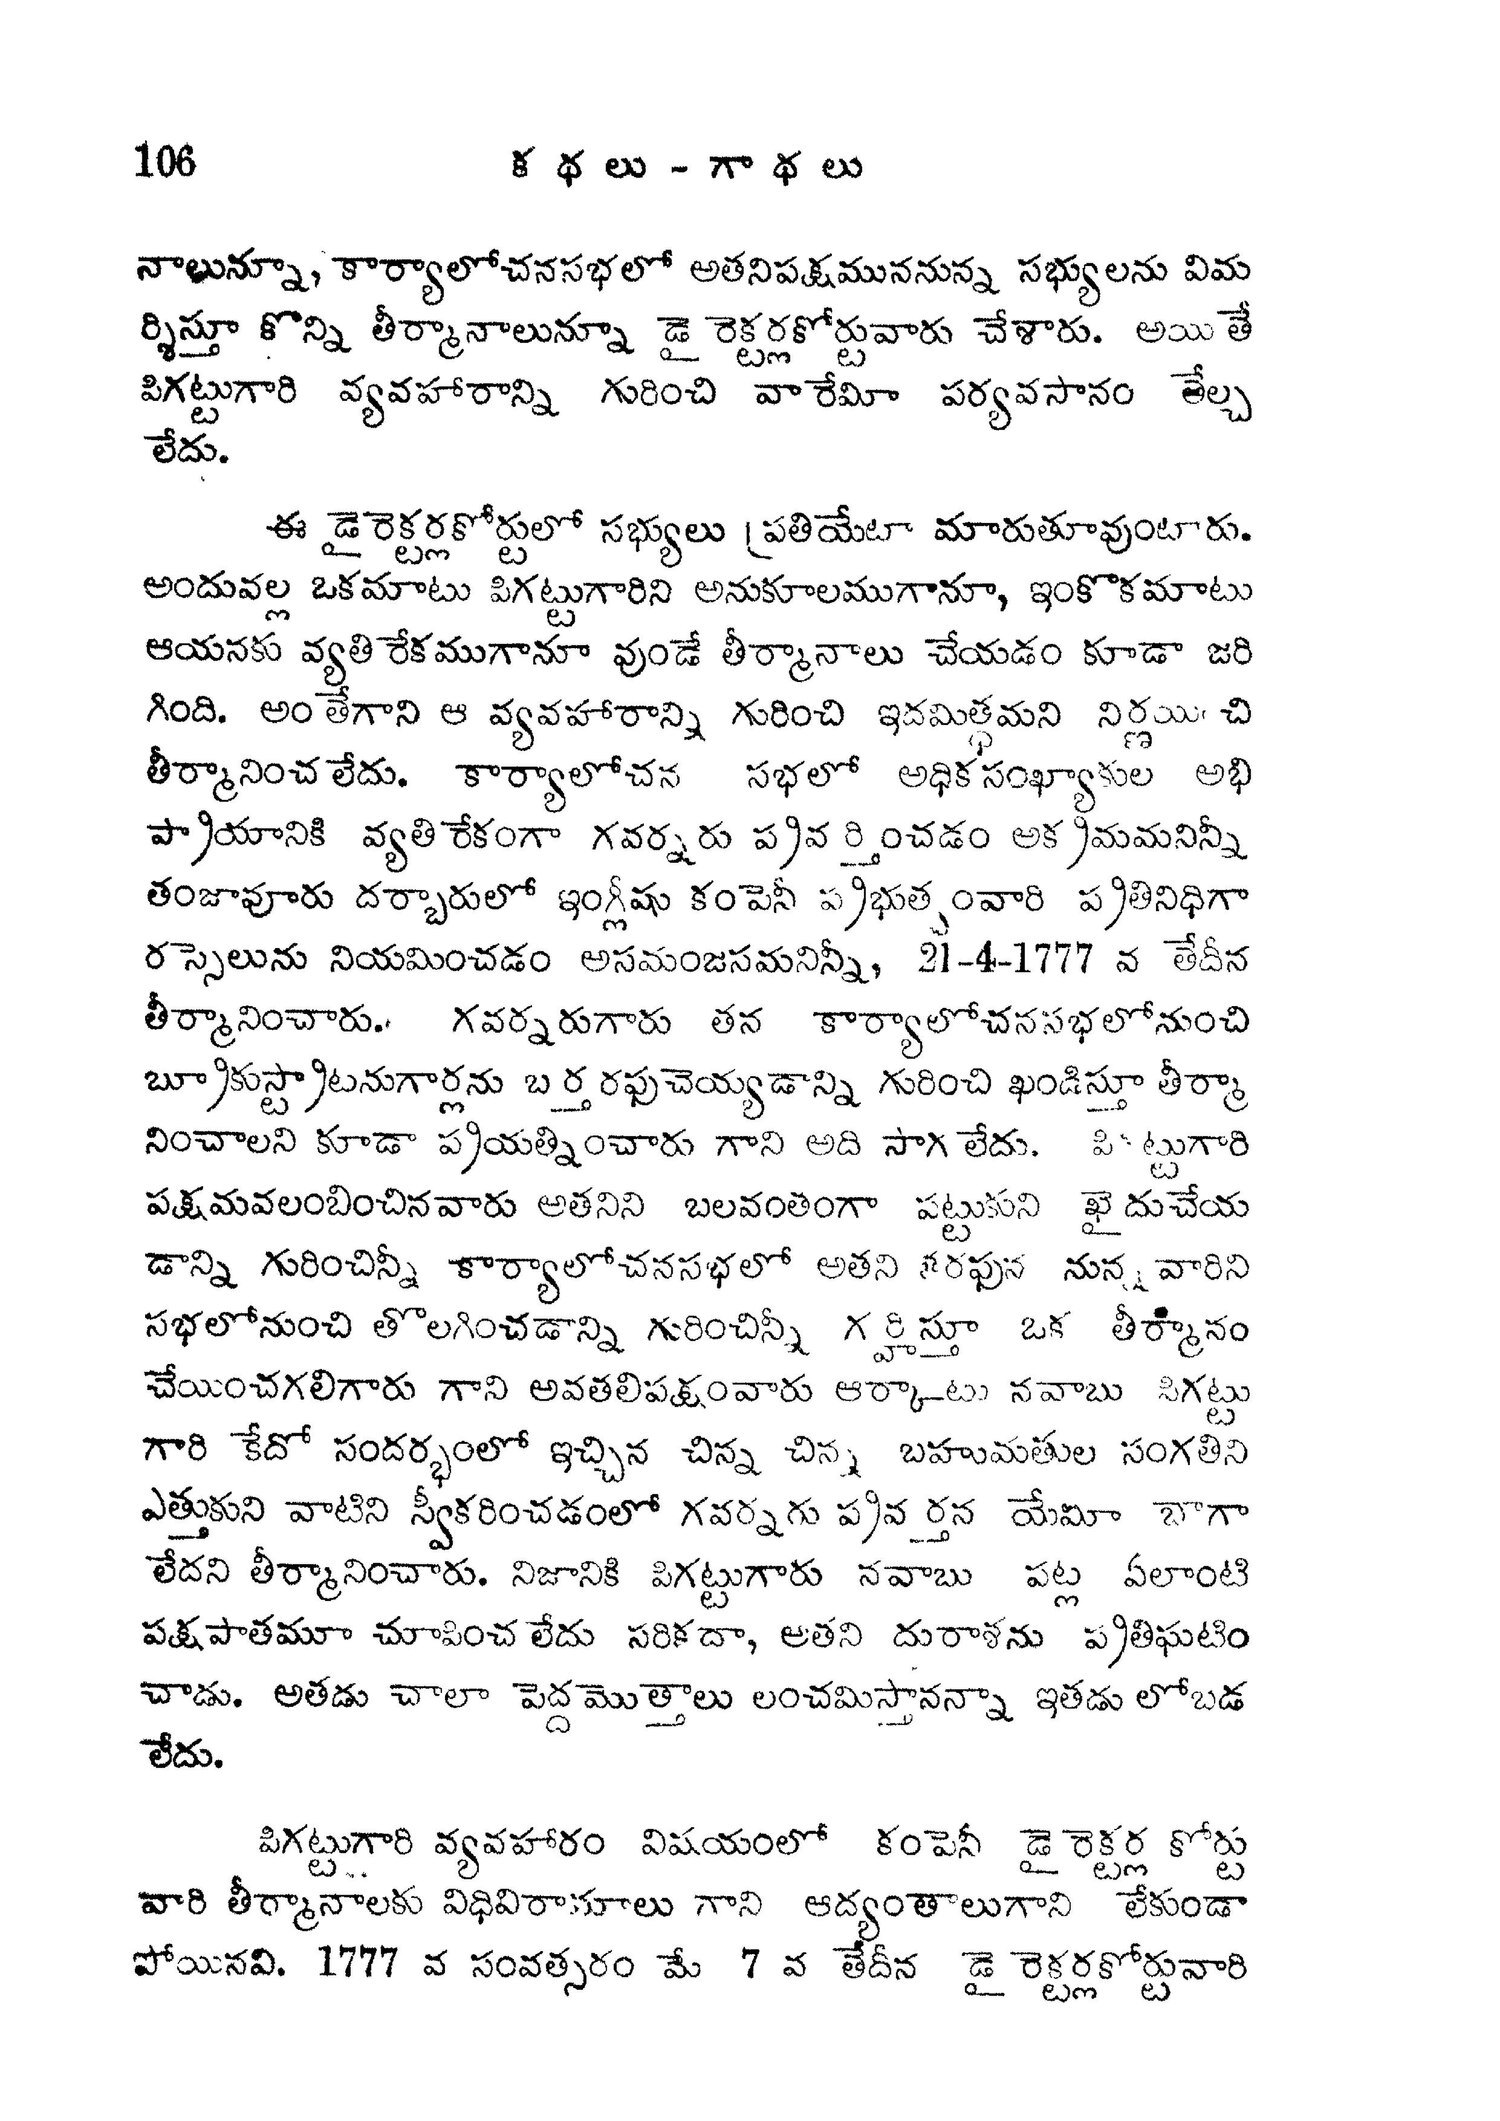నాలున్నూ, కార్యాలోచనసభలో అతనిపక్షముననున్న సభ్యులను విమర్శిస్తూ కొన్ని తీర్మానాలున్నూ డైరక్టర్లకోర్టువారు చేశారు. అయితే పిగట్టుగారి వ్యవహారాన్ని గురించి వారేమీ పర్యవసానం తేల్చలేదు.

ఈ డైరెక్టర్లకోర్టులో సభ్యులు ప్రతియేటా మారుతూవుంటారు. అందువల్ల ఒకమాటు పిగట్టుగారిని అనుకూలంగానూ, ఇంకొకమాటు ఆయనకు వ్యతిరేకంగానూ వుండే తీర్మానాలు చేయడం కూడా జరిగింది. అంతేగాని ఆ వ్యవహారాన్ని గురించి ఇతమిత్ధమని నిర్ణయించి తీర్మానించలేదు. కార్యాలోచన సభలో అధికసంఖ్యాకుల అభిప్రాయానికి వ్యతిరేకంగా గవర్నరు ప్రవర్తించడం అక్రమమనిన్నీ తంజావూరు దర్బారులో ఇంగ్లీషు కంపెనీ ప్రభుత్వంవారి ప్రతినిధిగా రస్సెలును నియమించడం అసమంజసమనిన్నీ, 21-4-1777 వ తేదీన తీర్మానించారు. గవర్నరుగారు తన కార్యాలోచనసభలోనుంచి బ్రూకుస్ట్రాటనుగార్లను బర్తరపుచెయ్యడాన్ని గురించి ఖండిస్తూ తీర్మానించాలని కూడా ప్రయత్నించారు గాని అది సాగలేదు. 
పిగట్టుగారి పక్షమవలంబించినవారు అతనిని బలవంతముగా పట్టుకుని ఖైదుచేయడాన్ని గురించిన్నీ కార్యాలోచన సభలో అతని తరఫున నున్నవారిని సభలోనుంచి తోలగించడాన్ని గురించిన్నీ గర్హిస్తూ ఒక తీర్మానం చేయించగలిగారు గాని అవతలిపక్షం వారు ఆర్కాటు నవాబు పిగట్టుగారి కేదో సందర్భంలో ఇచ్చిన చిన్న చిన్న బహుమతుల సంగతిని ఎత్తుకుని వాటిని స్వీకరించడంలో గవర్నరు ప్రవర్తన యేమీ బాగా లేదని తీర్మానించారు. నిజానికి పిగట్టుగారు నవాబు పట్ల ఏలాంటి పక్షపాతమూ చూపించలేదు సరికదా, అతని దురాశను ప్రతిఘటించాడు. అతడు చాలా పెద్దమొత్తాలు లంచమిస్తానన్నా ఇతడు లోబడలేదు.

పిగట్టుగారి వ్యవహారం విషయంలో కంపెనీ డైరెక్టర్ల కోర్టు వారి తీర్మానాలకు విధివిదానాలు గాని ఆద్యంతాలుగాని లేకుండా పోయినవి. 1777 వ సంవత్సరం మే 7 వ తేదీన డైరెక్టర్లకోర్డువారి